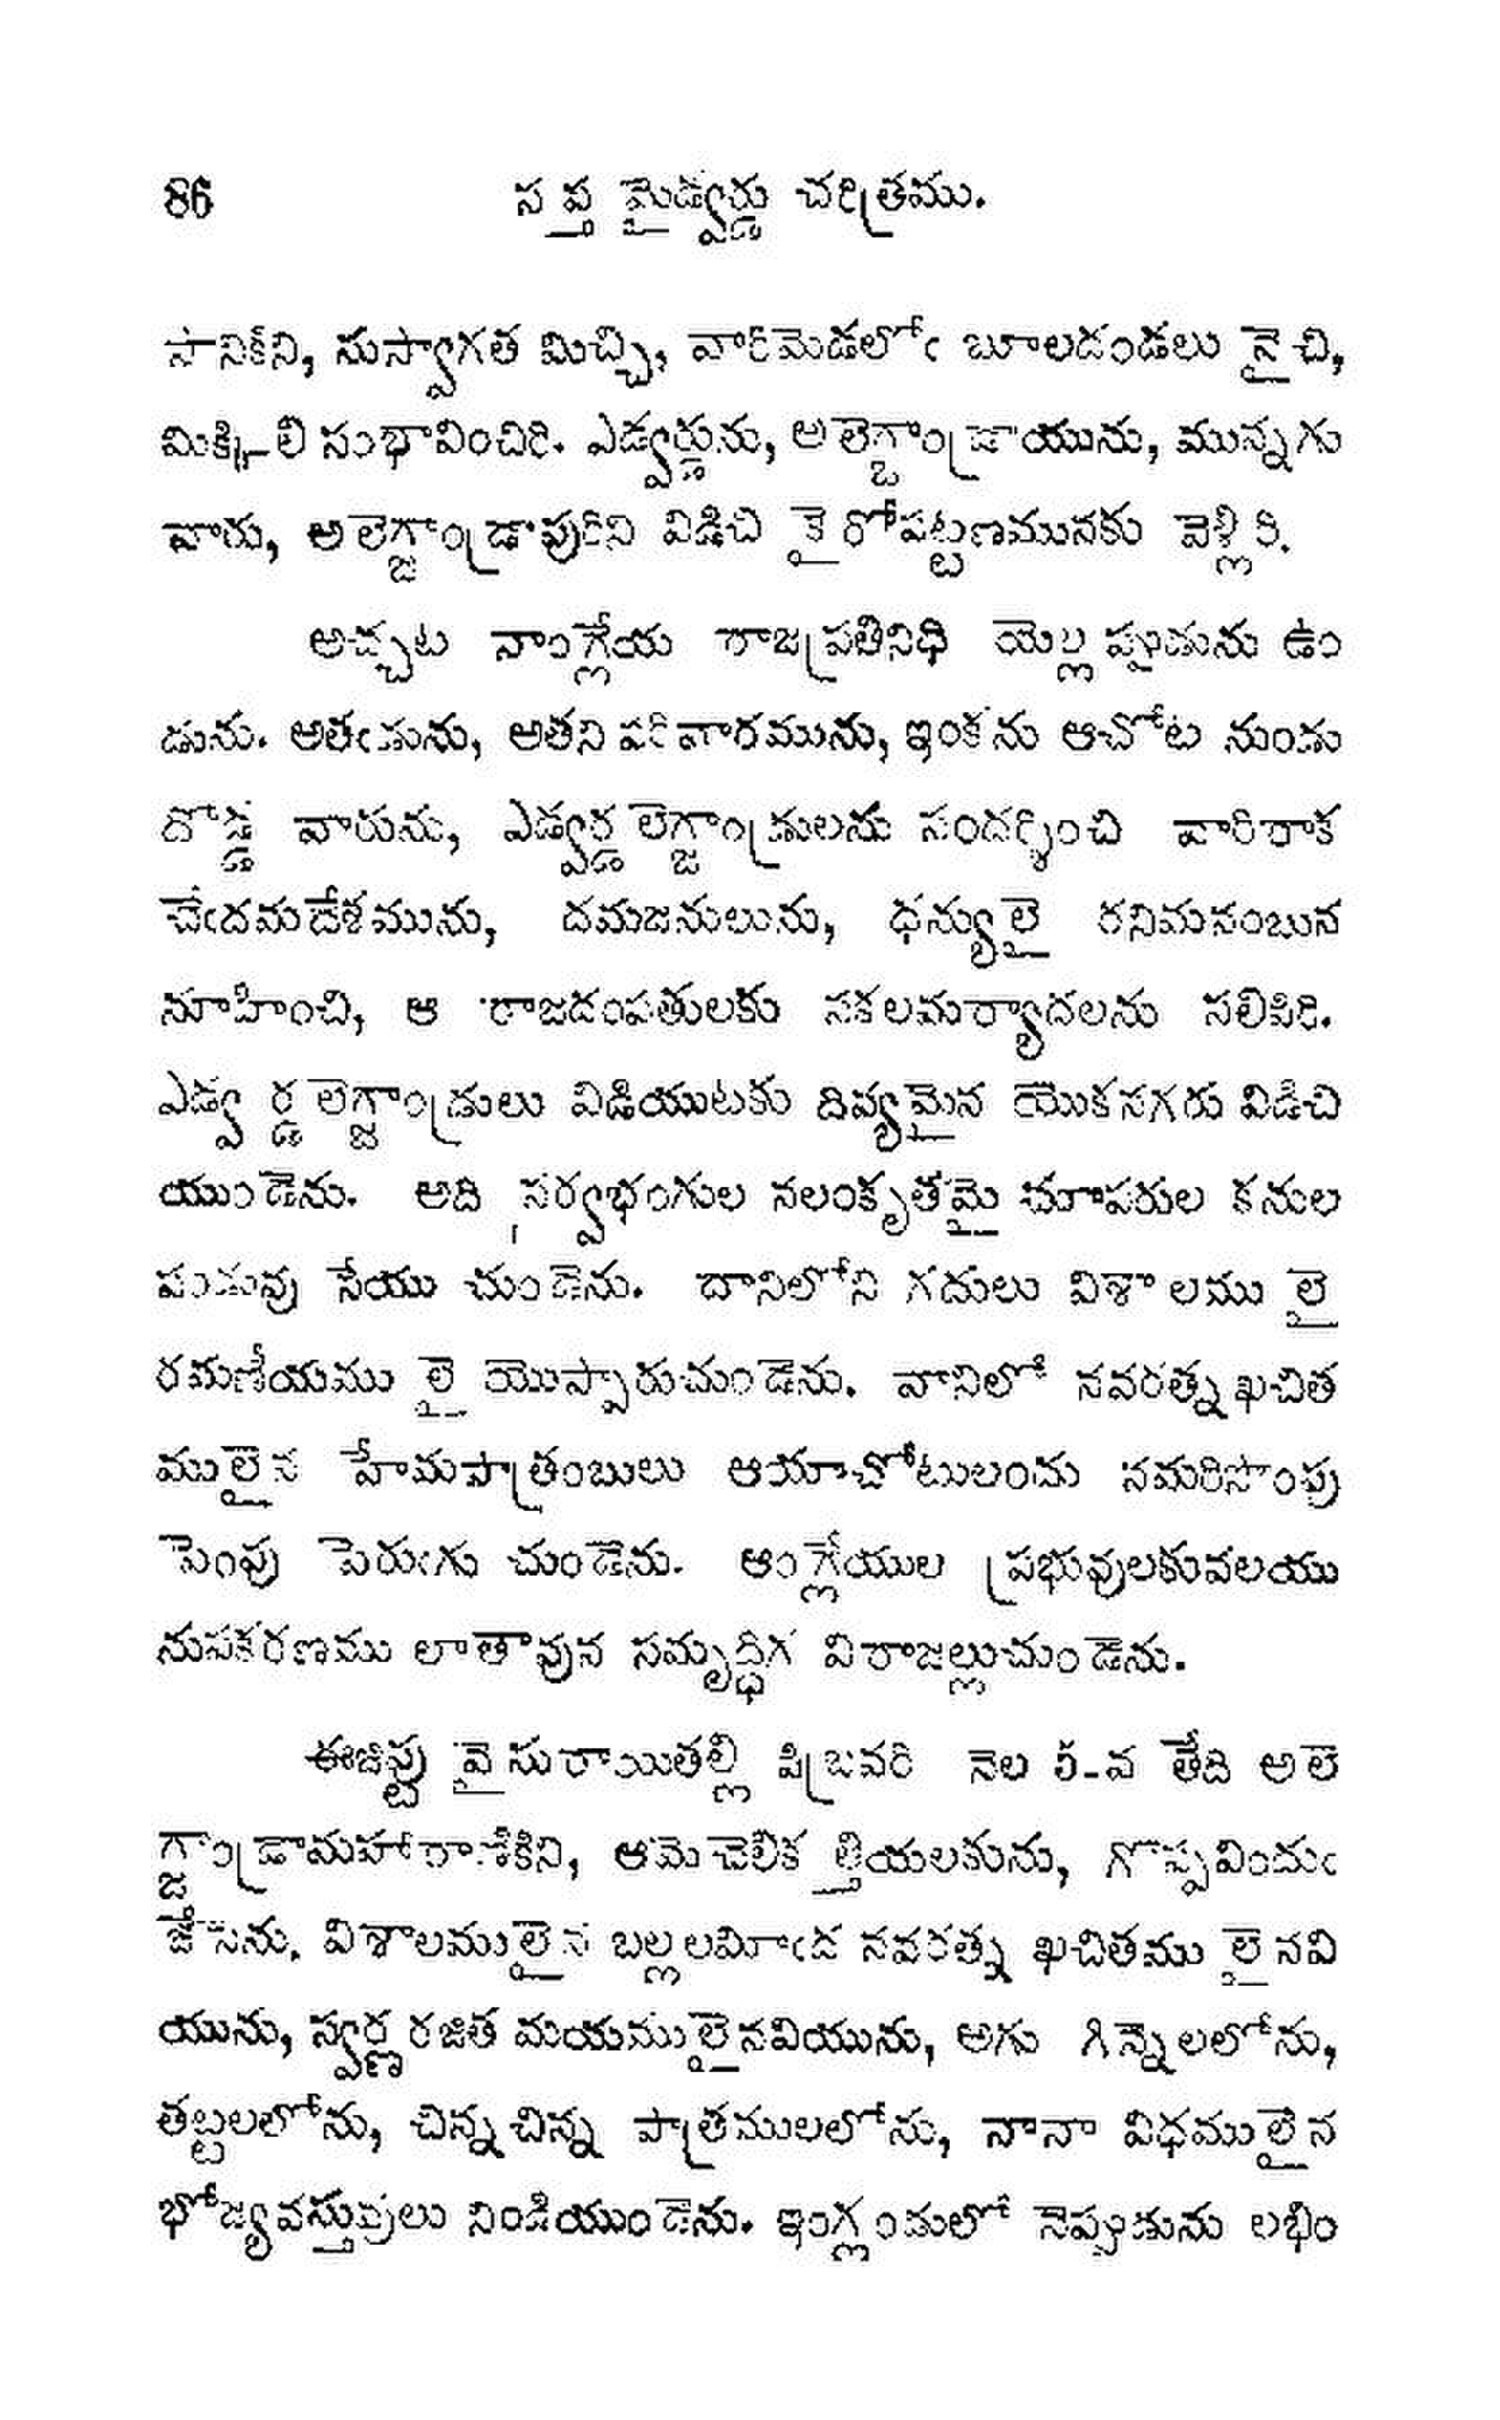సానికిని, సుస్వాగత మిచ్చి, వారి మెడలోఁ బూలడండలు వైచి, మిక్కిలి సంభావించిరి. ఎడ్వర్డును, ఆ లెగ్జాండ్రాయును, మున్నగువారు, అలెగ్జాండ్రా పురిని విడిచి కై రోపట్టణమునకు వెళ్లిరి.

అచ్చట నాంగ్లేయ రాజప్రతినిధి యెల్లప్పుడును ఉండును. అతఁడును, అతని పరివారమును, ఇంకను ఆచోట నుండు దొడ్డ వారును, ఎడ్వర్ణ లెగ్జాండ్రులను సందర్శించి వారి రాక
చేదమదేశమును, దమజనులును, ధన్యులై రని మనంబున నూహించి, ఆ 'రాజదంపతులకు సకల మర్యాదలను సలిపిరి. ఎడ్వర్డ లెగ్జాండ్రులు విడియుటకు దిన్య మైన యొక సగరు విడిచి
యు డెను. అది సర్వభంగుల నలంకృతమై చూపరుల కనుల పండువు సేయు చుండెను. దానిలోని గదులు విశాలము లై రమణీయము లై యొప్పారుచుండెను. దానిలో నవరత్న ఖచిత
ములైన హేమపాత్రంబులు ఆయాచోటులందు నమరిసొంపు పెంపు పెరుఁగు చుండెను. ఆంగ్లేయుల ప్రభువులకువలయు సుపకరణము లాతావున సమృద్ధిగా విరాజల్లుచుండెను.

ఈజిప్టు వైసురాయితల్లి పిబ్రవరి నెల 5వ తేదీ అలె గ్రౌండ్రామహారాని, ఆమె చెలికత్తియలకును, గొప్పవిందుఁ జేసెను, విశాలములైన బల్ల లమీఁద నవరత్న ఖచితము లైనవియును, స్వర్ణ రజిత మయములైనవియును, అగు గిన్నెలలోను, తట్టలలోను, చిన్న చిన్న పాత్రములలోను, నానా విధములైన భోజ్య వస్తువులు నిండియుండెను. ఇంగ్లండులో నెప్పుడును లభిం
.